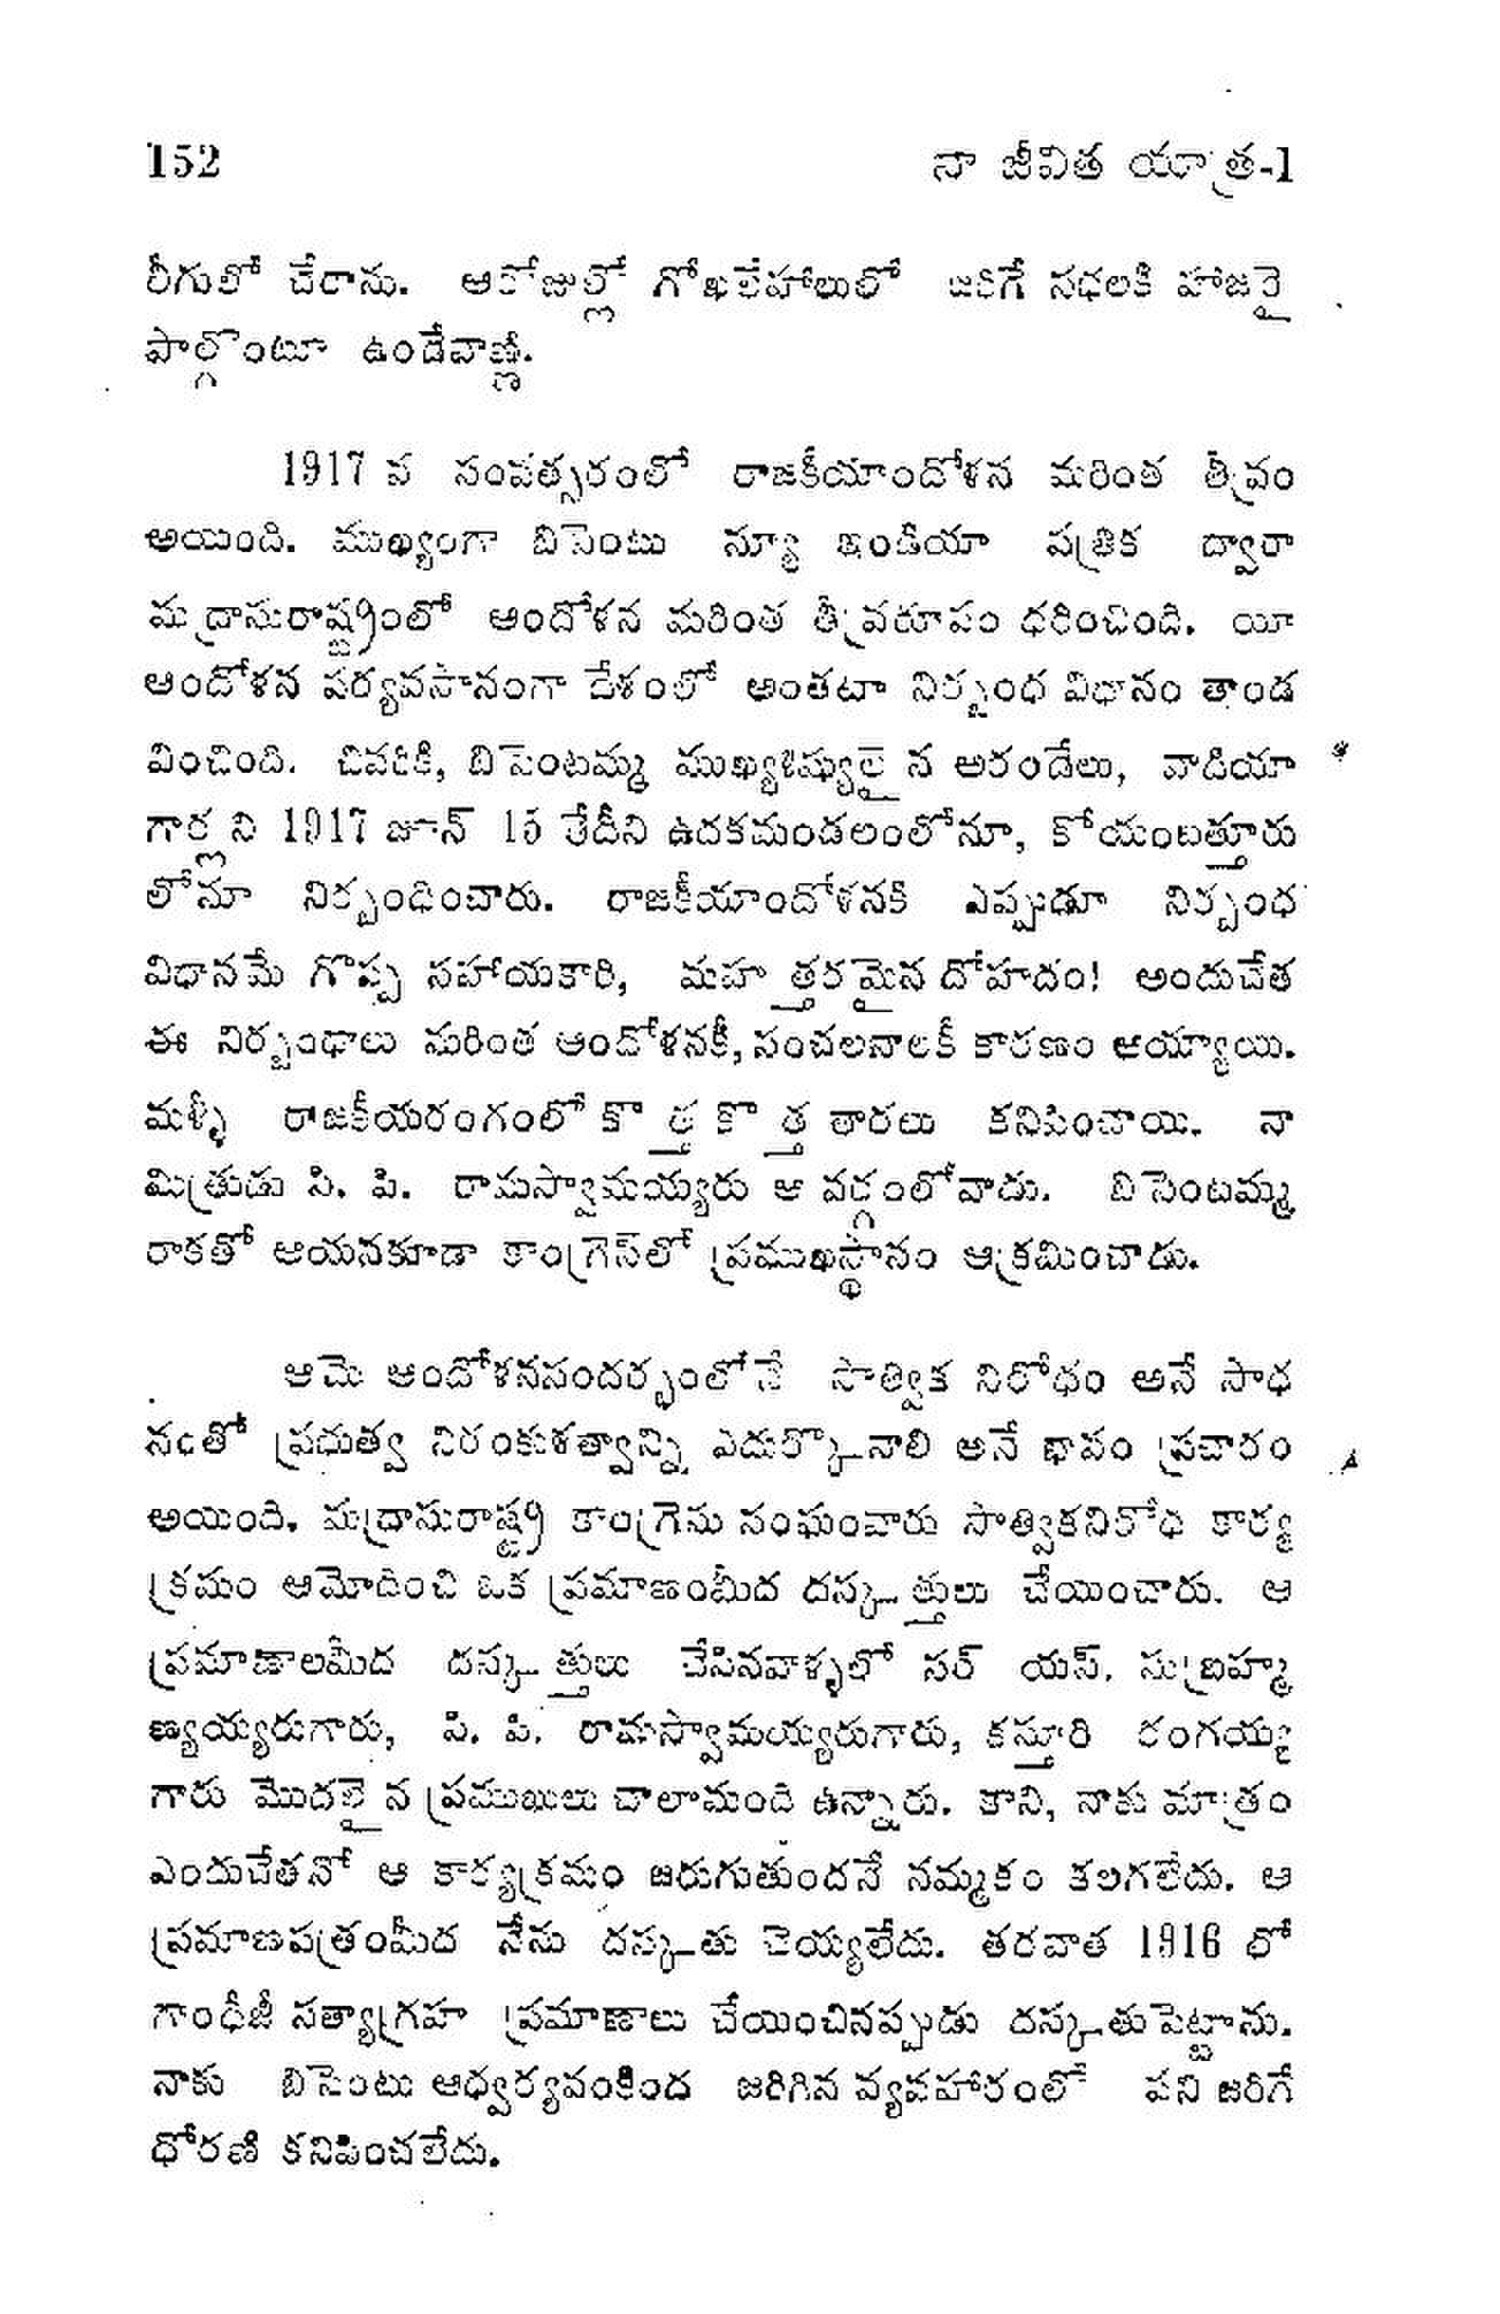లీగులో చేరాను. ఆరోజుల్లో గోఖలేహాలులో జరిగే సభలకి హాజరౌ పాల్గొంటూ ఉండేవాణ్ణి.

1917 వ సంవత్సరంలో రాజకీయాందోళన మరింత తీవ్రం అయింది. ముఖ్యంగా బిసెంటు న్యూ ఇండియా పత్రిక ద్వారా మద్రాసురాష్ట్రంలో ఆందోళన మరింత తీవ్రరూపం ధరించింది. యీ ఆందోళన పర్యవసానంగా దేశంలో అంతటా నిర్భంధ విధానం తాండవించింది. చివరికి, బిసెంటమ్మ ముఖ్యశిష్యులైన అరండేలు, వాడియా గార్లని 1917 జూన్ 15 తేదీని ఉదకమండలంలోనూ, కోయంబత్తూరులోనూ నిర్భందించారు. రాజకీయాందోళనకి ఎప్పుడూ నిర్భంధ విధానమే గొప్ప సహాయకారి, మహత్తరమైన దోహదం! అదుచేత ఈ నిర్భంధాలు మరింత ఆందోళనకీ, సంచలనాలకీ కారణం అయ్యాయి. మళ్ళీ రాజకీయరంగంలో కొత్త కొత్త తారలు కనిపించాయి. నా మిత్రుడు పి. పి. రామస్వామయ్యరు ఆ వర్గంలోవాడు. బిసెంటమ్మ రాకతో ఆయనకూడా కాంగ్రెస్‌లో ప్రముఖస్థానం ఆక్రమించాడు.

ఆమె ఆందోళనసందర్భంలోనే సాత్విక నిరోధం అనే సాధనంతో ప్రభుత్వ నిరంకుశత్వాన్ని ఎదుర్కొనాలి అనే భావం ప్రచారం అయింది. మద్రాసు రాష్ట్ర కాంగ్రెసు సంఘంవారు సాత్వికనిరోధ కార్యక్రమం ఆమోదించి ఒక ప్రమాణంమీద దస్కత్తులు చేయించారు. ఆ ప్రమాణాలమీద దస్కత్తులు చేసినవాళ్ళలో సర్ యస్. సుబ్రహ్మణ్యయ్యరుగారు, పి. పి. రామ స్వామయ్యరు గారు, కస్తూరి రంగయ్యగారు మొదలైన ప్రముఖులు చాలామంది ఉన్నారు. కాని, నాకు మాత్రం ఎందుచేతనో ఆ కార్యక్రమం జరుగుతుందనే నమ్మకం కలగలేదు. ఆ ప్రమాణపత్రంమీద నేను దస్కతు చెయ్యలేదు. తరవాత 1916 లో గాంధీజీ సత్యాగ్రహ ప్రమాణాలు చేయించి నప్పుడు దస్కతుపెట్టాను. నాకు బిసెంటు ఆధ్వర్యంకింద జరిగిన వ్యవహారంలో పని జరిగే ధోరణి కనిపించలేదు.